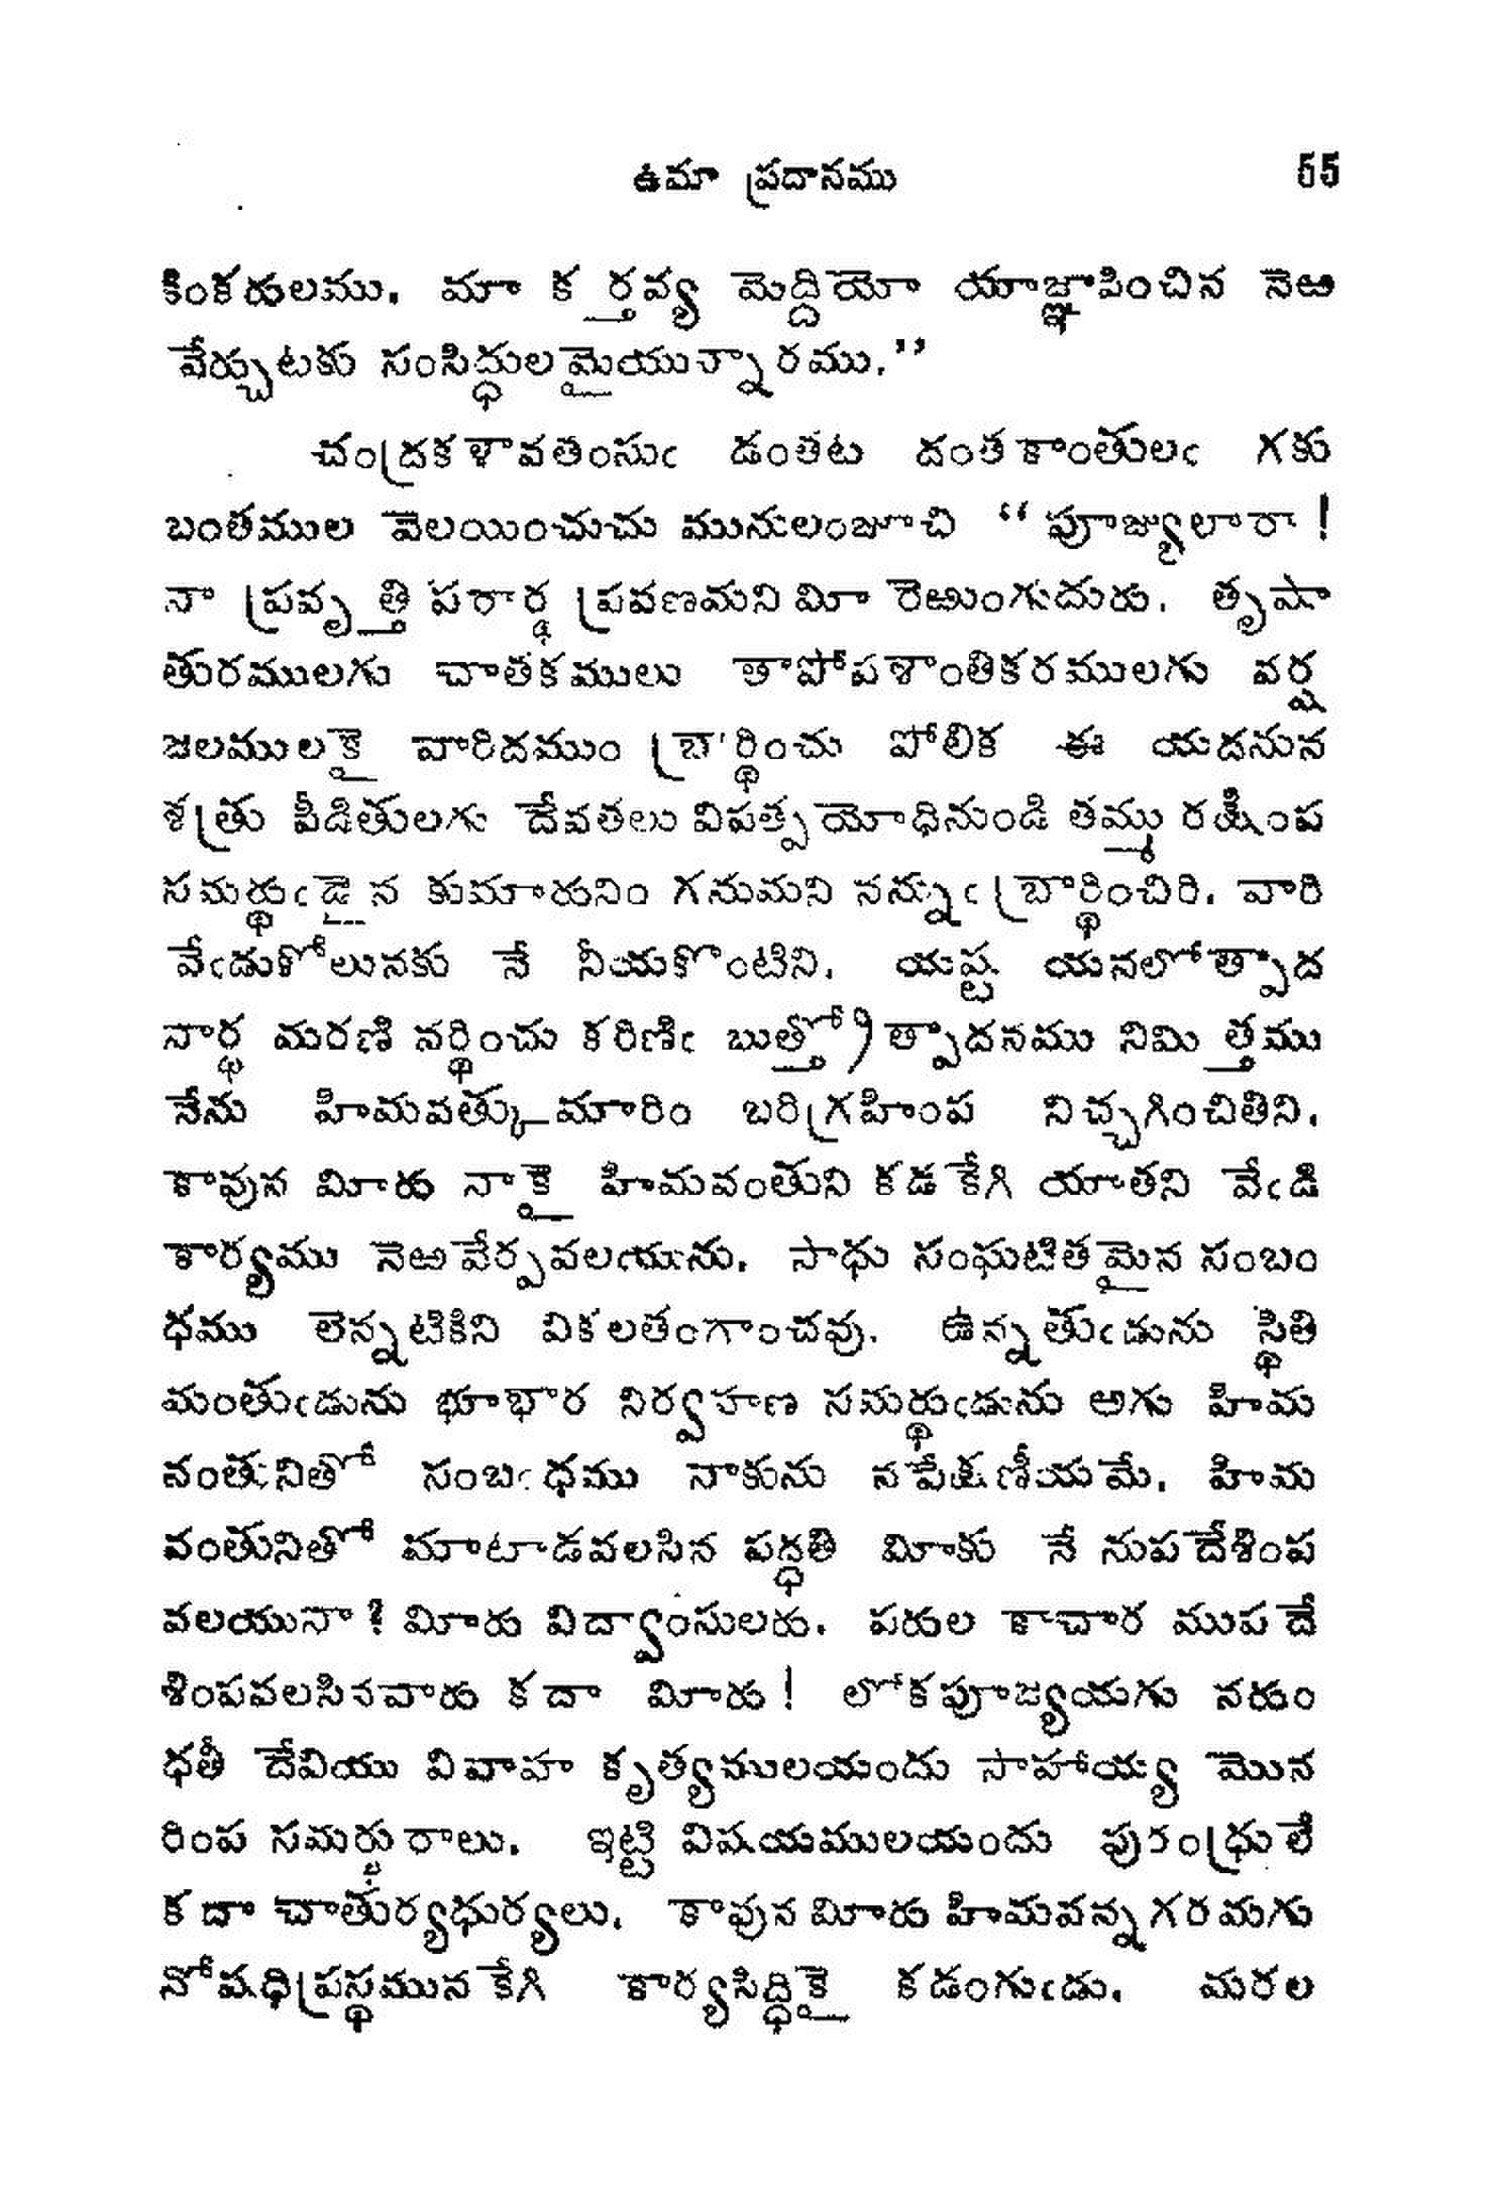కింకరులము. మా కర్తవ్య మెద్దియో యాజ్ఞాపించిన నెఱవేర్చుటకు సంసిద్ధులమైయున్నారము. ”

చంద్రకళావతంసుఁ డంతట దంతకాంతులఁ గకు బంతముల వెలయించుచు మునులంజూచి పూజ్యులారా ! నా ప్రవృత్తి పదార్థ ప్రవణమని మీ రెఱుంగుదురు. తృషా తురములగు చాతకములు తాపోపశాంతికరములగు వర్ష జలములకై వారిదముం బ్రార్థించు పోలిక ఈ యదనున శత్రు పీడితులగు దేవతలు విపత్పయోధినుండి తమ్ము రక్షింప సమర్థుఁడైన కుమారునిం గనుమని నన్నుఁ బ్రార్థించిరి. వారి వేఁడుగోలునకు నే నీయకొంటిని, యష్ట యనలోత్పాదనార్థ మరణి వర్ణించు కరిణిఁ బుత్రొత్పాదనము నిమిత్తము నేను హిమవత్కుమారిం బరిగ్రహింప నిచ్చగించితిని. కావున మీరు నాకై హిమవంతుని కడకేగి యాతని వేఁడి కార్యము నెఱవేర్పవలయును. సాధు సంఘటితమైన సంబంధము లెన్నటికిని వికలతంగాంచవు. ఉన్నతుఁడును స్థితిమంతుఁడును భూభార నిర్వహణ సమర్థుఁడును అగు హిమవంతునితో సంబంధము నాకును నపేక్షణీయమే, హిమవంతునితో మాటాడవలసిన పద్ధతి మీకు నే నుపదేశింప వలయునా ? మీరు విద్వాంసులరు. పరుల కాచార ముపదేశింపవలసినవారు కదా మీరు ! లోకపూజ్యయగు నరుంధతీ దేవియు వివాహ కృత్యములయందు సాహాయ్య మొనరింప సమర్థురాలు. ఇట్టి విషయములయందు పురంధ్రులే కదా చాతుర్యధుర్యలు, కావున మీరు హిమవన్న గరమగు
నోషధి ప్రస్థమున కేగి కార్యసిద్ధికై కడంగుఁడు, మరల